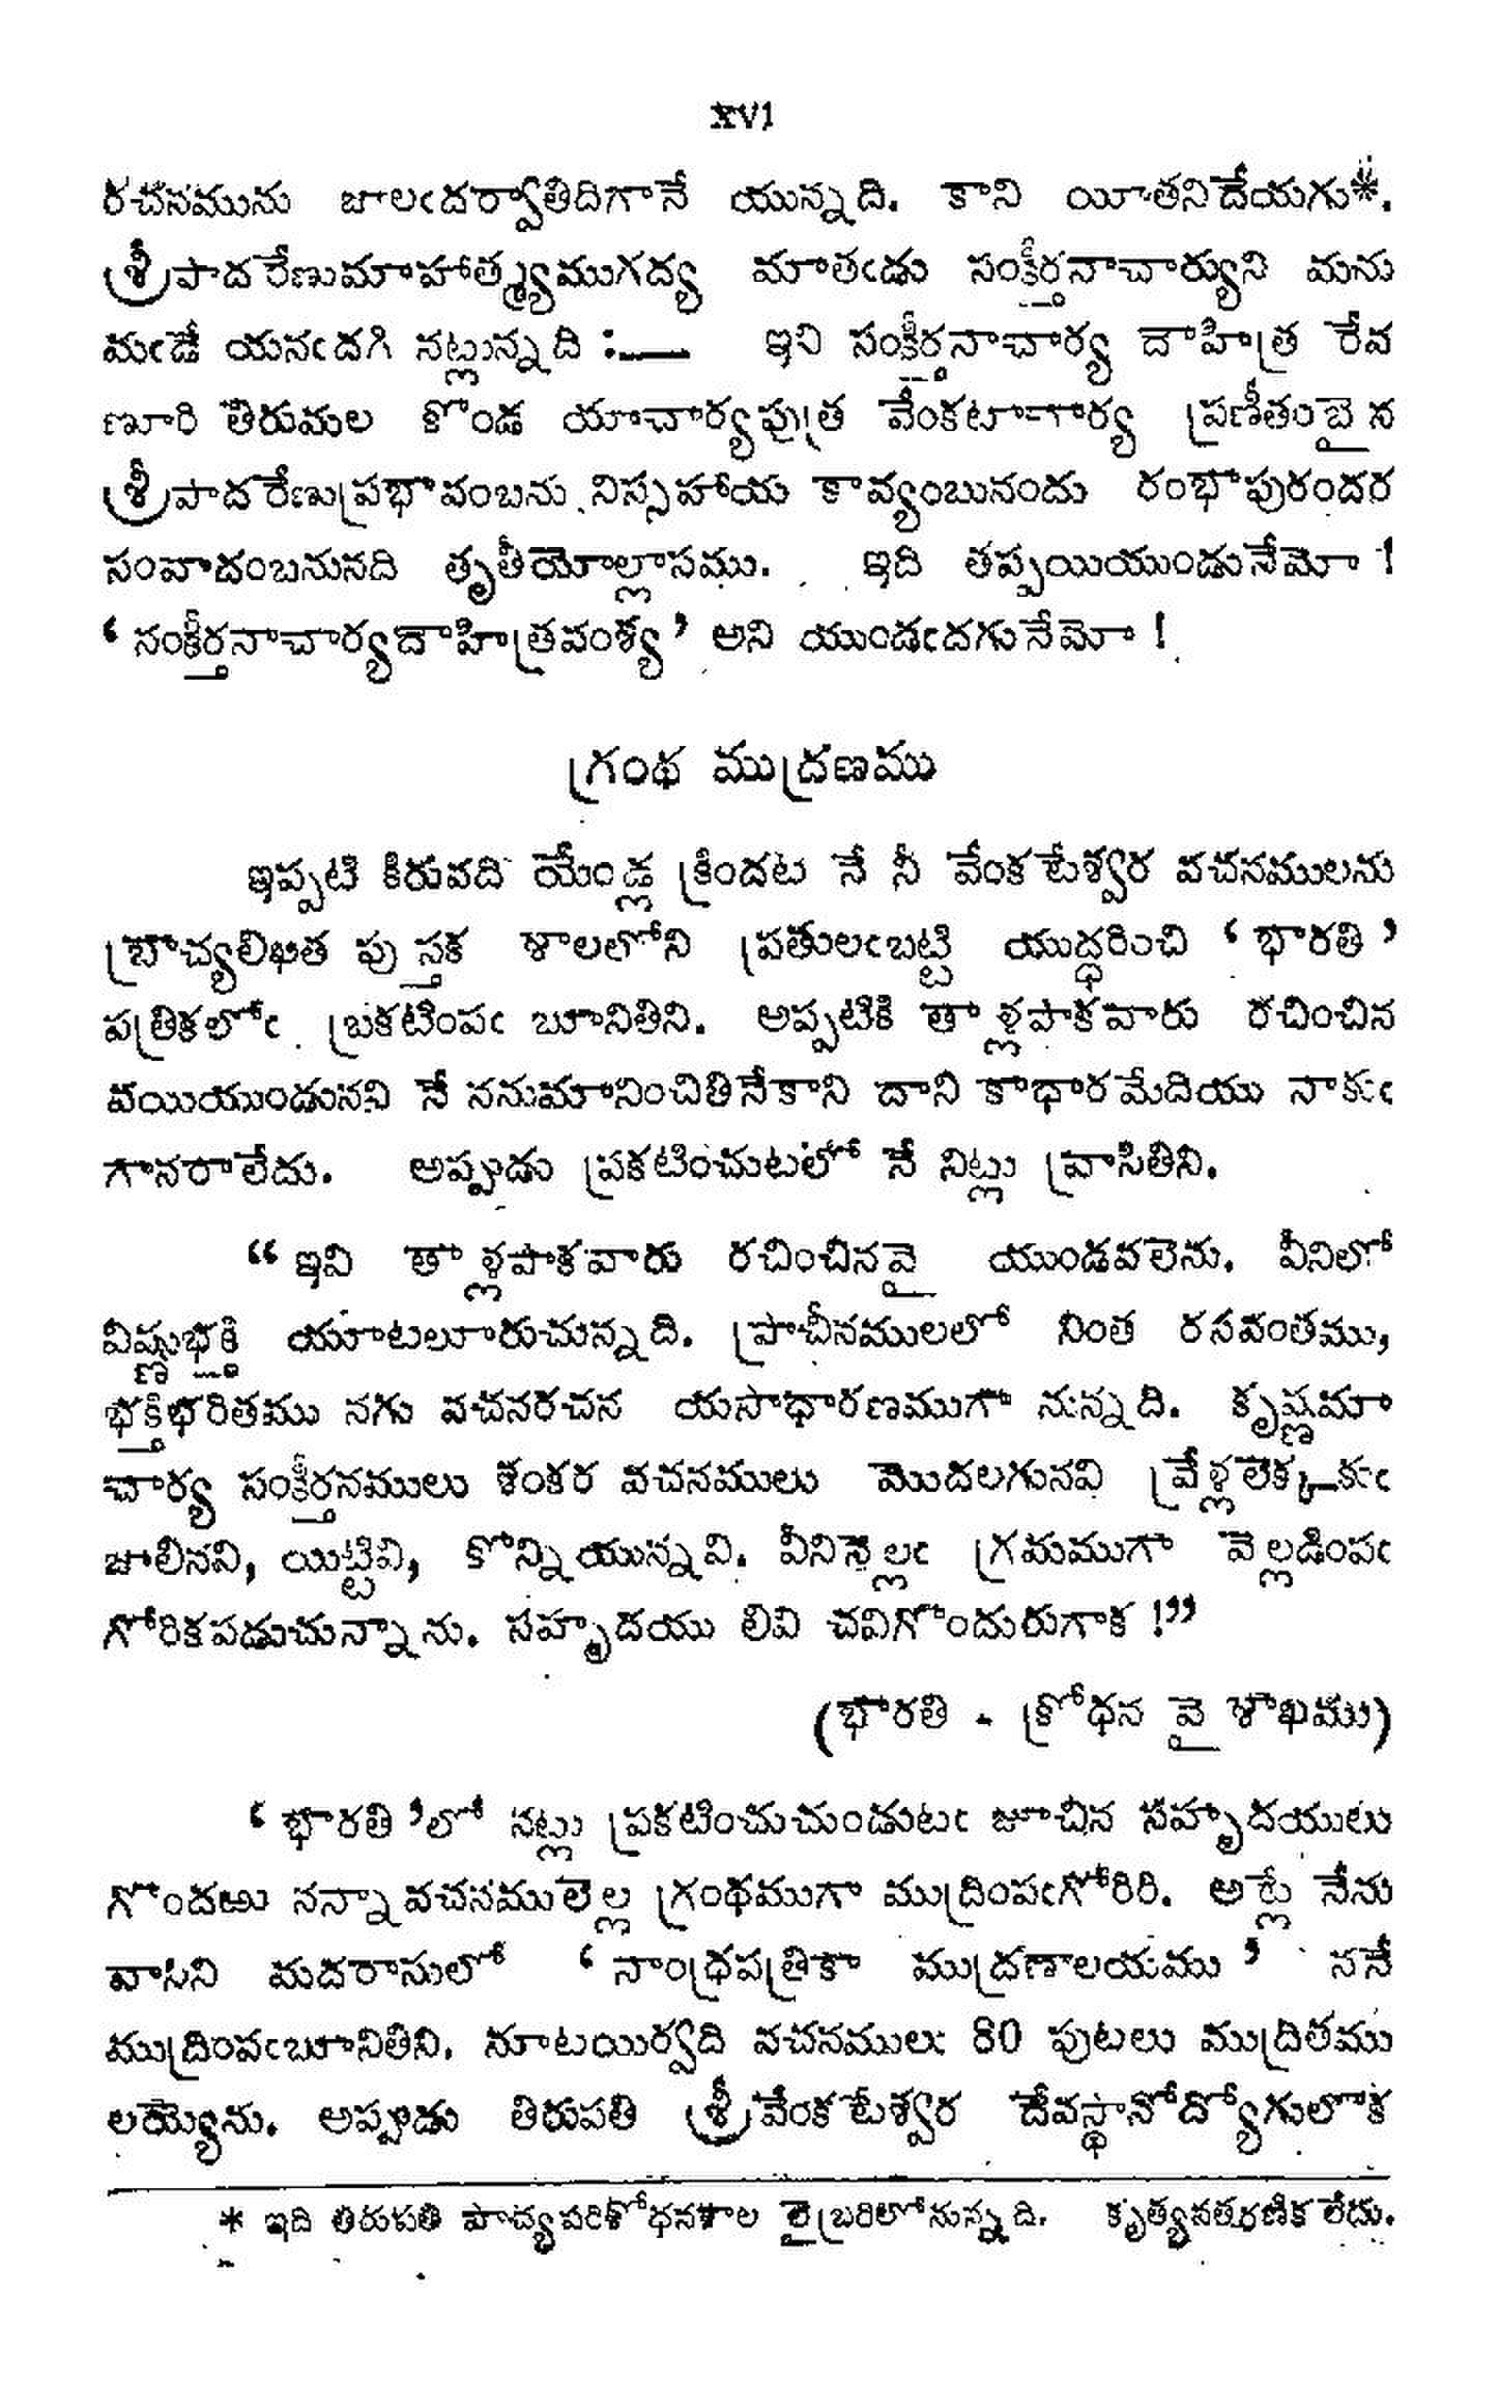రచనమును జాలఁదర్వాతిదిగానే యున్నది. కాని యీతనిదేయగు శ్రీపాదరేణుమాహాత్మ్యముగద్య మాతఁడు సంకీర్తనాచార్యుని మనుమఁడే యనఁదగి నట్లున్నది:— ఇవి సంకీర్తనాచార్య దౌహిత్ర రేవణూరి తిరుమల కొండ యాచార్యపుత్ర వేంకటాచార్య ప్రణీతంబైన శ్రీపాదరేణుప్రభావంబను నిస్సహాయ కావ్యంబునందు రంభాపురందర సంవాదంబనునది తృతీయోల్లాసము. ఇది తప్పయియుండునేమో! ‘సంకీర్తనాచార్యదౌహిత్రవంశ్య’ అని యుండఁదగునేమో!

గ్రంథ ముద్రణము

ఇప్పటి కిరువది యేండ్ల క్రిందట నే నీ వేంకటేశ్వర వచనములను బ్రాచ్యలిఖిత పుస్తక శాలలోని ప్రతులఁబట్టి యుద్ధరించి 'భారతి' పత్రికలోఁ బ్రకటింపఁ బూనితిని. అప్పటికి తాళ్లపాకవారు రచించిన వయియుండునని నే ననుమానించితినేకాని దాని కాధారమేదియు నాకుఁ గానరాలేదు. అప్పుడు ప్రకటించుటలో నే నిట్లు వ్రాసితిని.

“ఇవి తాళ్లపాకవారు రచించినవై యుండవలెను. వీనిలో విష్ణుభక్తి యూటలూరుచున్నది. ప్రాచీనములలో నింత రసవంతము, భక్తిభరితము నగు వచనరచన యసాధారణముగా నున్నది. కృష్ణమాచార్య సంకీర్తనములు శంకర వచనములు మొదలగునవి వ్రేళ్లలెక్కకుఁ జాలినని, యిట్టివి, కొన్నియున్నవి. వీనినెల్లఁ గ్రమముగా వెల్లడింపఁ గోరికపడుచున్నాను. సహృదయు లివి చవిగొందురుగాక!”

‘భారతి’లో నట్లు ప్రకటించుచుండుటఁ జూచిన సహృదయులు గొందఱు నన్నావచనములెల్ల గ్రంథముగా ముద్రింపఁగోరిరి. అట్లే నేను వానిని మదరాసులో ‘నాంధ్రపత్రికా ముద్రణాలయము’ ననే ముద్రింపఁబూనితిని, నూటయిర్వది వచనములు 80 పుటలు ముద్రితములయ్యెను. అప్పుడు తిరుపతి శ్రీవేంకటేశ్వర దేవస్థానోద్యోగులోక